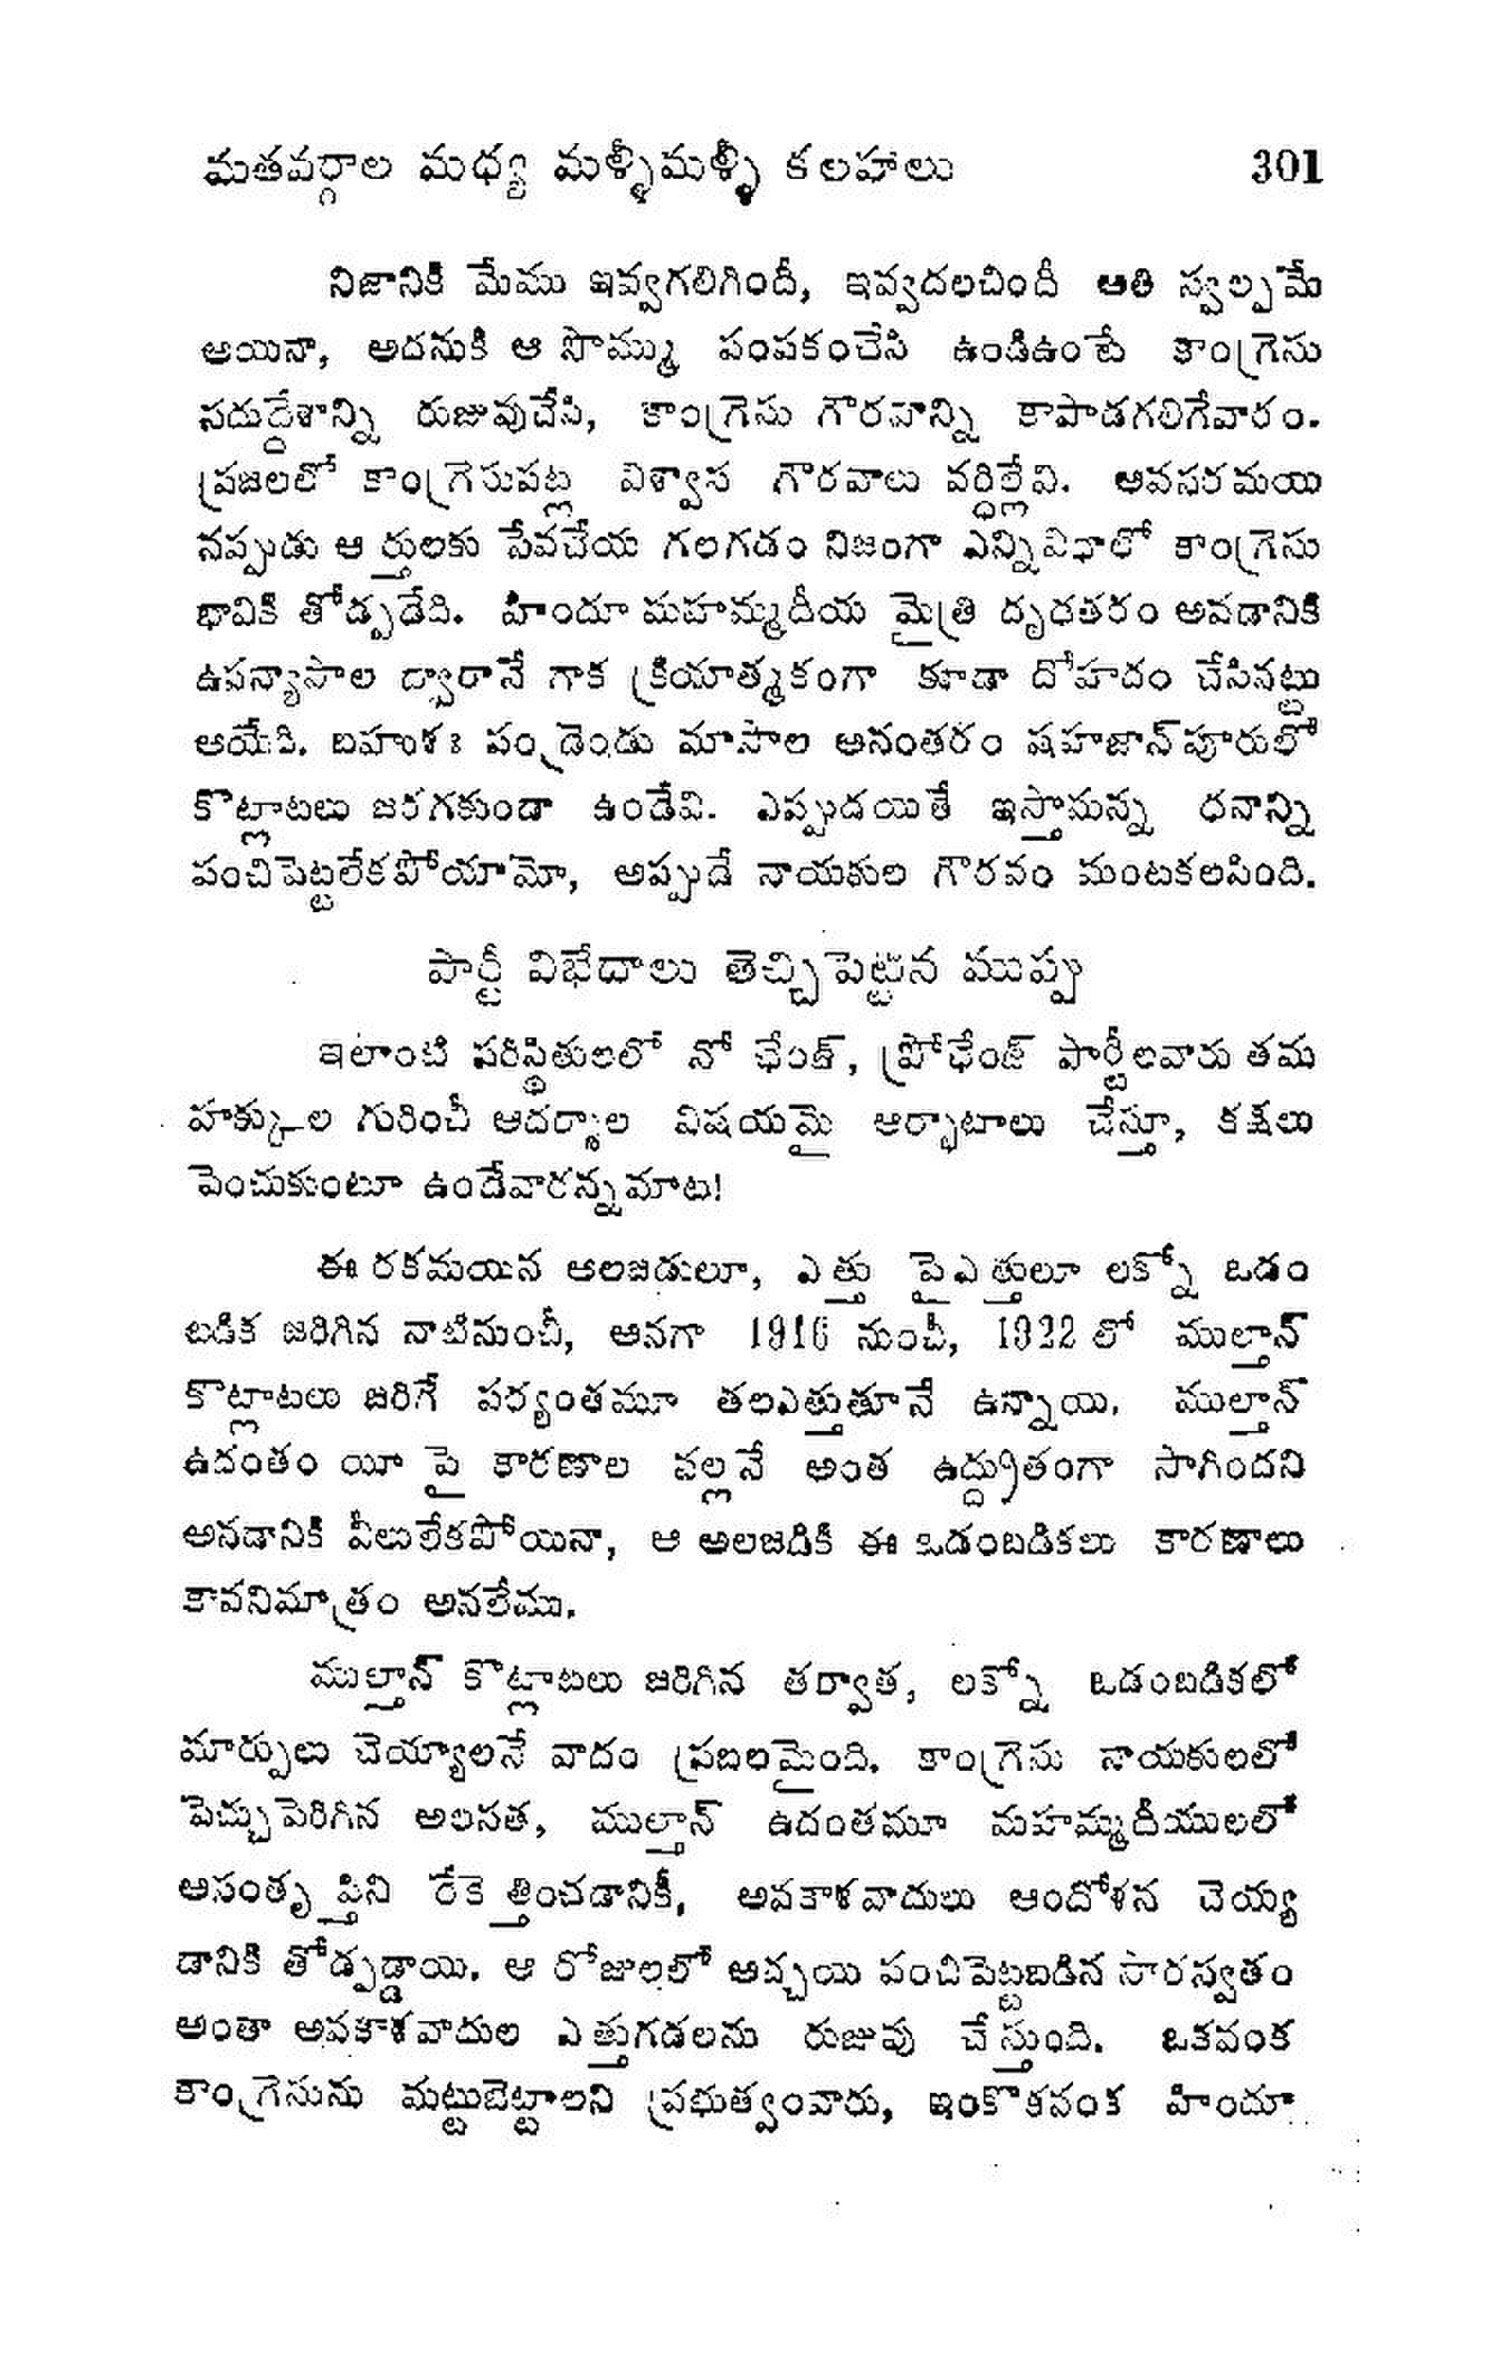నిజానికి మేము ఇవ్వగలిగిందీ, ఇవ్వదలచిందీ అతి స్వల్పమే అయినా, అదనుకి అ సొమ్ము పంపకంచేసి ఉండిఉంటే కాంగ్రెసు సదుద్దేశాన్ని రుజువుచేసి, కాంగ్రెసు గౌరవాన్ని కాపాడగలిగేవారం. ప్రజలలో కాంగ్రెసుపట్ల విశ్వాస గౌరవాలు వర్ధిల్లేవి. అవసరమయినప్పుడు ఆర్తులకు సేవచేయ గలగడం నిజంగా ఎన్నివిధాలో కాంగ్రెసు భావికి తోడ్పడేది. హిందూ మహమ్మదీయ మైత్రి దృడతరం అవడానికి ఉపన్యాసాల ద్వారానే గాక క్రియాత్మకంగా కూడా దోహదం చేసినట్టు అయేది. బహుశ:పండ్రెండు మాసాల అనంతరం షహజాన్‌పూరులో కొట్లాటలు జరగకుండా ఉండేవి. ఎప్పుడయితే ఇస్తామన్న ధనాన్ని పంచి పెట్టకలేకపోయామో, అప్పుడే నాయకుల గౌరవం మంటకలసింది.

ఇలాంటి పరిస్థితులలో నో ఛేంజ్, ప్రోఛేంజ్ పార్టీలవారు తమ హక్కుల గురించీ ఆదర్శాల విషయమై ఆర్భాటాలు చేస్తూ, కక్షలు పెంచుకుంటూ ఉండేవారన్నమాట!

ఈ రకమయిన అలజడులూ, ఎత్తు పై ఎత్తులూ లక్నో ఒడంబడిక జరిగిన నాటినుంచీ, అనగా 1916 నుంచీ, 1922 లో ముల్తాన్ కొట్లాటలు జరిగే పర్యంతమూ తలేత్తుతూనే ఉన్నాయి. ముల్తాన్ ఉదంతం యీ పై కారణాల వల్లనే అంత ఉద్ద్రుతంగా సాగిందని అనడానికి వీలులేకపోయినా, ఆ అలజడికి ఈ ఒడంబడికలు కారణాలు కావనిమాత్రం అనలేము.

ముల్తాన్ కొట్లాటలు జరిగిన తర్వాత, లక్నో ఒడంబడికలో మార్పులు చెయ్యాలనే వాదం ప్రబలమైంది. కాంగ్రెసు నాయకులలో పెచ్చు పెరిగిన అలసత, ముల్తాన్ ఉదంతమూ మహమ్మదీయులలో అసంతృప్తిని రేకెత్తించడానికీ, అవకాశవాదులు ఆందోళన చెయ్యడానికి తోడ్పడ్డాయి. ఆ రోజులలో అచ్చయి పంచిపెట్టబడిన సారస్వతం అంతా అవకాశవాదుల ఎత్తుగడలను రుజువు చేస్తుంది. ఒకవంక కాంగ్రెసును మట్టుబెట్టాలని ప్రభుత్వంవారు, ఇంకొకవంక హిందూ